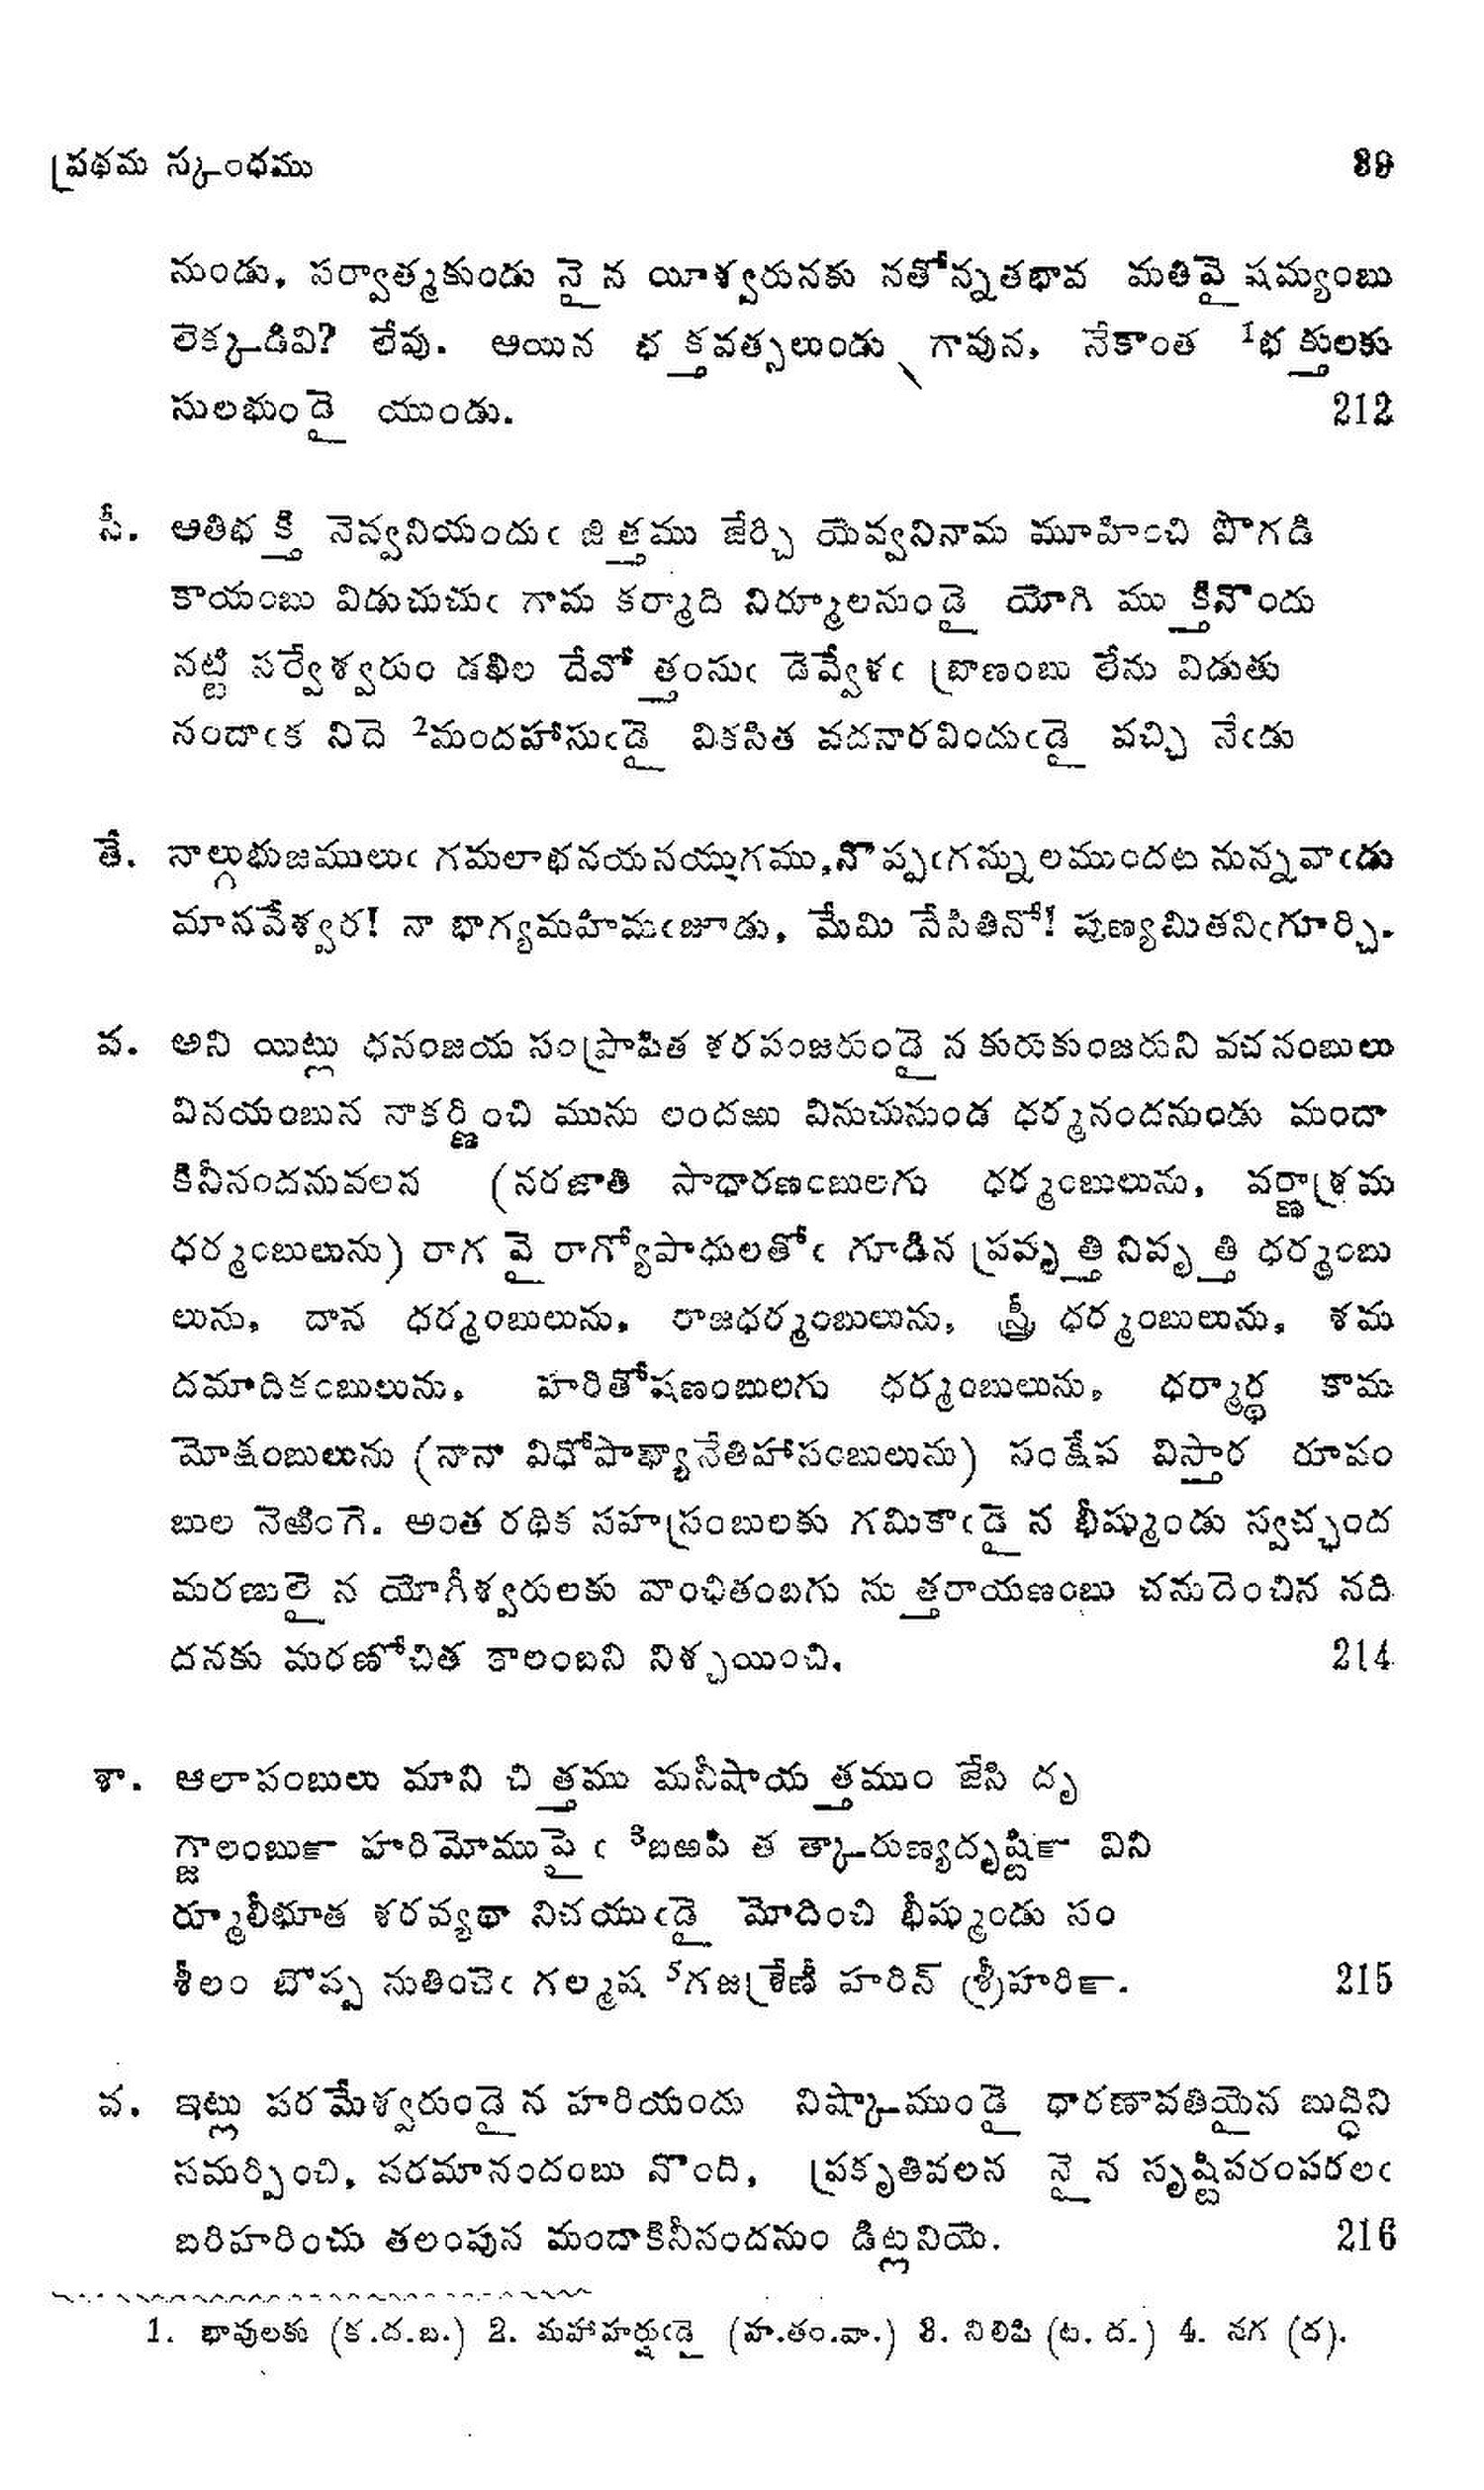39

నుండు, సర్వాత్మకుండైన యీశ్వరునకు నతోన్నత భావ మతివైషమ్యంబు లెక్కడివి ? అయిన భక్తవత్సలుండు గావున నేకాంత భక్తులకు సులభుండై యుండు. (1-212)

సీ. అతిభక్తి నెవ్వనియందుఁ జిత్తముఁ జేర్చి, యెవ్వని నామ మూహించి పొగడి

కాయంబు విడచుచుఁ గామకర్మాది నిర్,మూలనుండై యోగి ముక్తినొందు

నట్టి సర్వేశ్వరుం డఖిల దేవోత్తంసుఁ, డెవ్వేళఁ బ్రాణంబు లేను విడుతు

నందాక నిదె మందహాసుఁడై వికసిత, వదనారవిందుఁడై వచ్చి నేఁడు

తే.గీ. నాల్గు భుజములుఁ గమలాభ నయనయుగము, నొప్పుఁ గన్నుల ముంగట నున్నవాఁడు

మానవేశ్వర ! నా భాగ్యమహిమఁ జూడు, మేమి సేసితినో పుణ్య మితనిఁ గూర్చి. (1-213)

వ. అని యిట్లు ధనంజయ సంప్రాపిత శరపంజరుండైన కురుకుంజరుని వచనంబులు వినయంబున నాకర్ణించి మునులందఱు వినుచునుండ మందాకినీనందను వలన (నరజాతి సాధారణంబులగు ధర్మంబులును, వర్ణాశ్రమ ధర్మంబులును) రాగ వైరాగ్యోపాధులతోఁ గూడిన ప్రవృత్తి నివృత్తి ధర్మంబులును. దానధర్మంబులును, రాజధర్మంబులును, స్త్రీధర్మంబులును, శమదమాదికంబులును, హరితోషణంబులగు ధర్మంబులును, ధర్మార్థ కామ మోక్షంబులును (నానావిధేతిహాసోపాఖ్యానంబులును ) సంక్షేప విస్తార రూపంబుల నెఱింగె. అంత రథిక సహస్రంబులకు గమికాఁడైన భీష్ముండు స్వచ్ఛంద మరణులైన యోగీశ్వరులకు వాంఛితంబగు నుత్తరాయణంబు చనుదెంచిన నది తనకు మరణోచిత కాలంబని నిశ్చయించి, (1-214)

శా. ఆలాపంబులు మాని చిత్తము మనీషాయత్తముం జేసి దృ

గ్జాలంబులు హరి మోముపైఁ బఱపి తత్కారుణ్యదృష్టిన్ విని

ర్మూలీభూత శరవ్యథా నిచయుఁడై మోదించి భీష్ముండు సం

శీలం బొప్ప నుతించెఁ గల్మష గజశ్రేణీహరిన్ శ్రీహరిన్. (1-215)

వ. ఇట్లు పరమేశ్వరుండైన హరియందు నిష్కాముండై ధారణావతియైన బుద్ధిని సమర్పించి పరమానందంబు నొంది ప్రకృతి వలన నైన సృష్టిపరంపరలఁ బరిహరించు తలంపున మందాకినీనందనుం డిట్లనియె. (1-216)